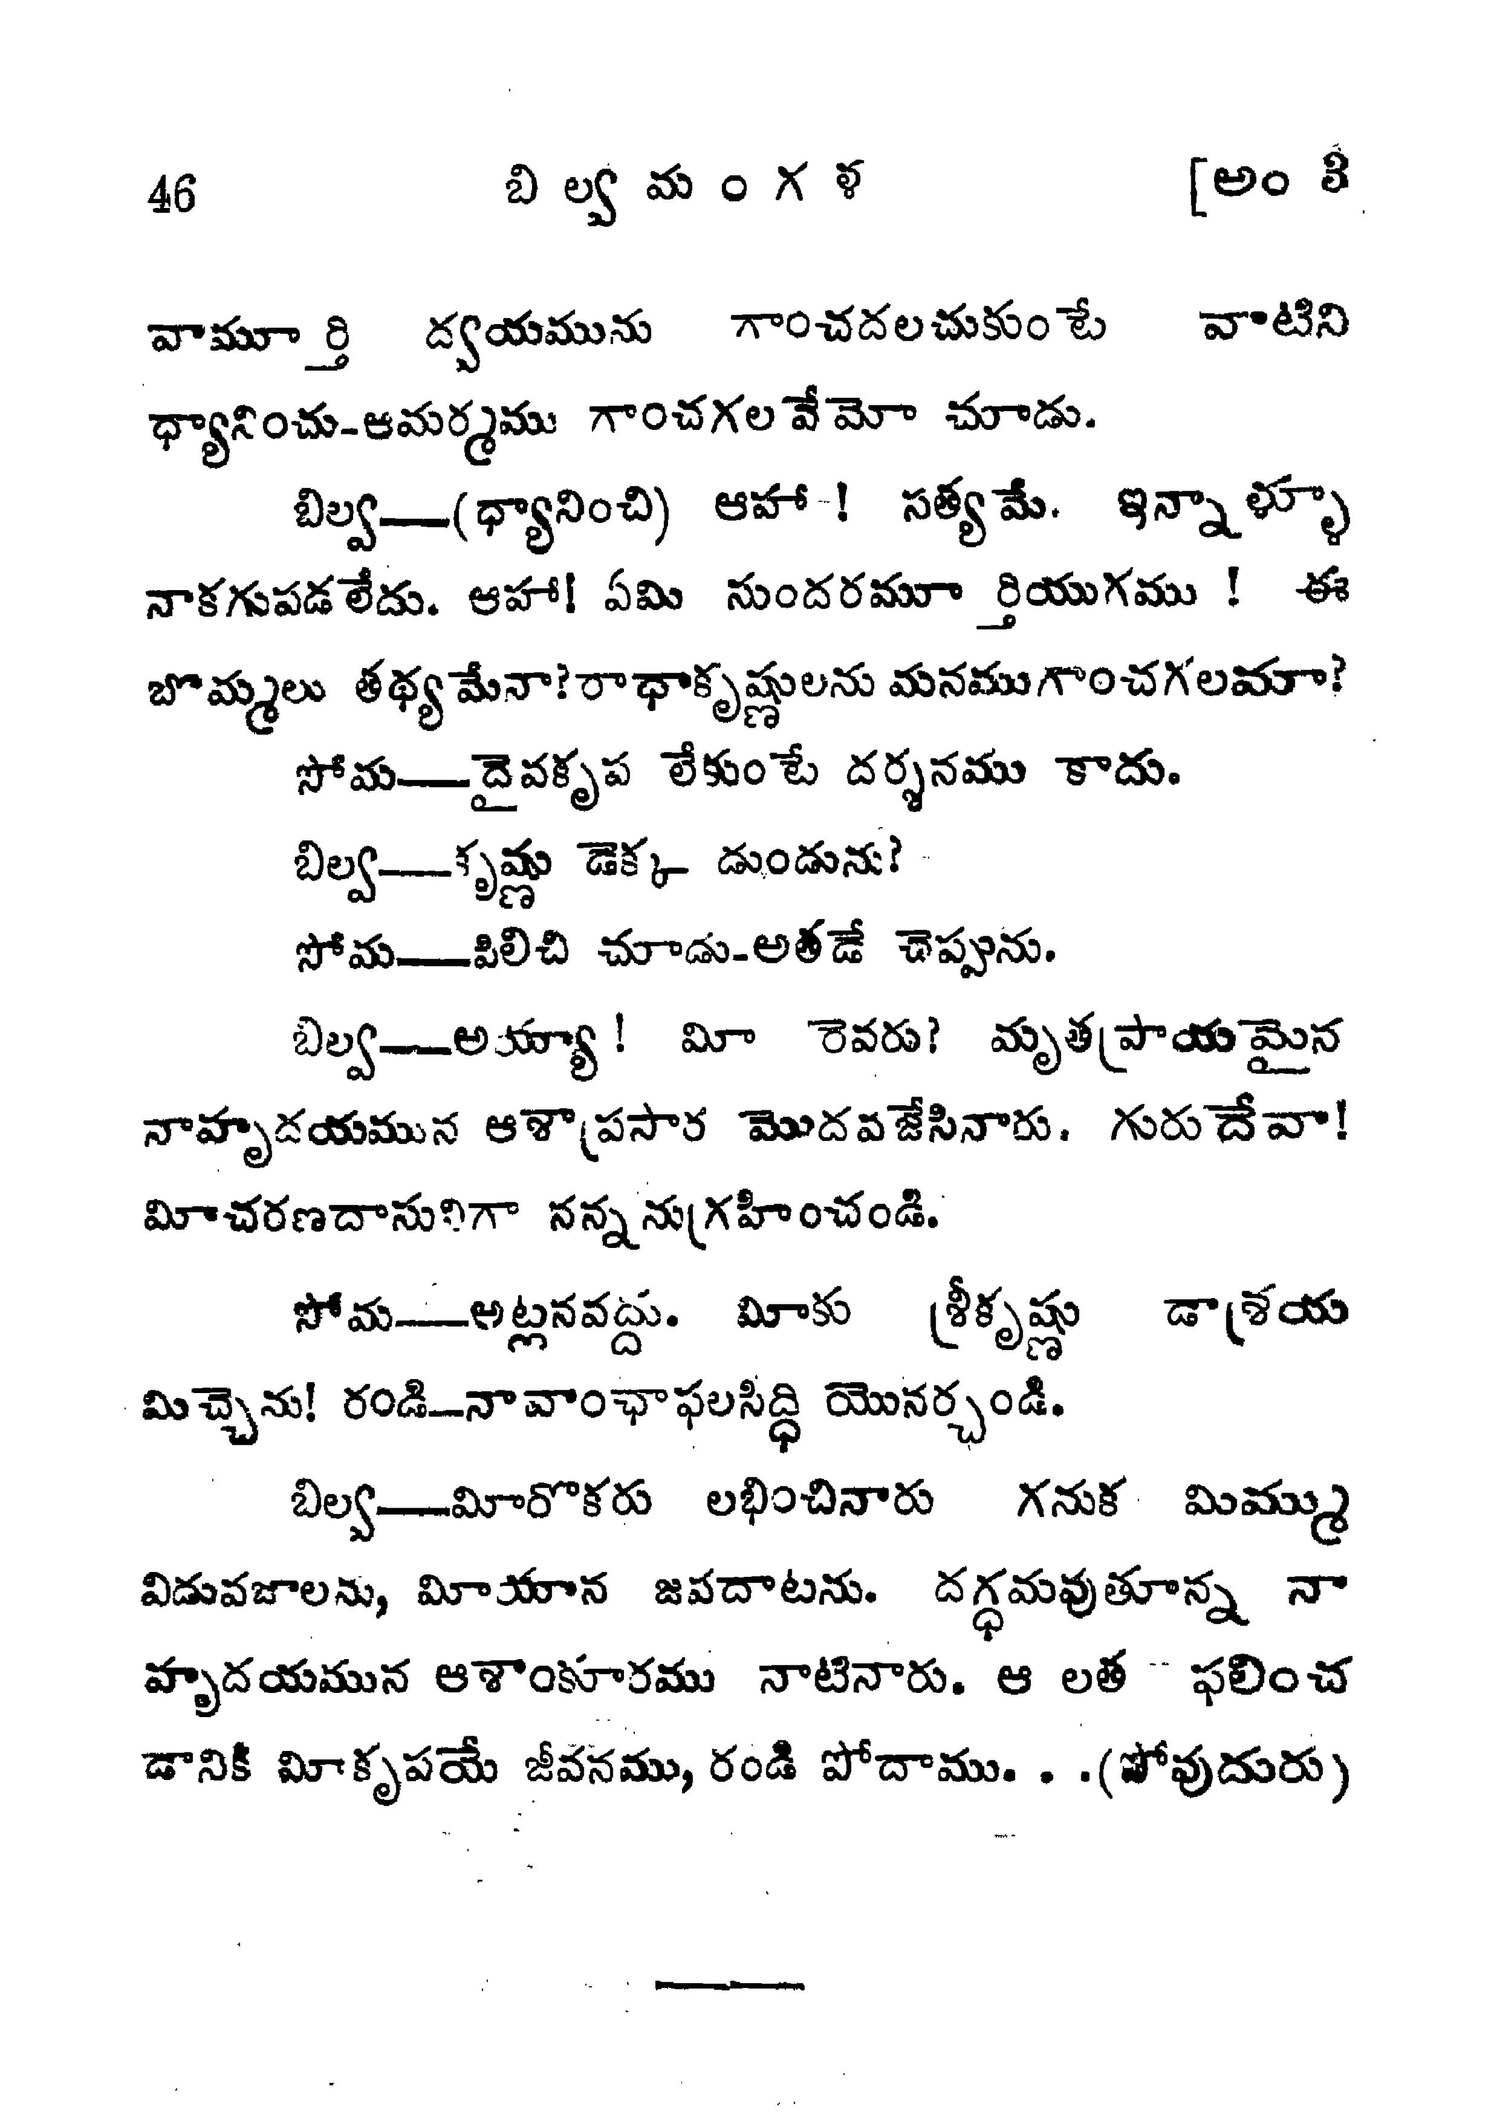వామూర్తి ద్వయమును గాంచదలచుకుంటే వాటిని ధ్యానించు-ఆమర్మము గాంచగలవేమో చూడు.

బిల్వ - (ధ్యానించి) ఆహా! సత్యమే. ఇన్నాళ్ళూ నాకగుపడలేదు. ఆహా! ఏమి సుందరమూర్తియుగము ! ఈ బొమ్మలు తథ్యమేనా? రాధాకృష్ణులను మనము గాంచగలమా?

సోమ - దైవకృప లేకుంటే దర్శనము కాదు.

బిల్వ - కృష్ణు డెక్క డుండును?

సోమ - పిలిచి చూడు-అతడే చెప్పును.

బిల్వ - అయ్యా! మీ రెవరు? మృతప్రాయమైన నాహృదయమున ఆశాప్రసార మొదవజేసినారు. గురుదేవా! మీచరణదాసునిగా నన్ననుగ్రహించండి.

సోమ - అట్లనవద్దు. మీకు శ్రీకృష్ణు డాశ్రయ మిచ్చెను! రండి -నావాంఛాఫలసిద్ధి యొనర్చండి.

బిల్వ - మీరొకరు లభించినారు గనుక మిమ్ము విడువజాలను, మీయాన జవదాటను. దగ్ధమవుతూన్న నా హృదయమున ఆశాంకూరము నాటినారు. ఆ లత ఫలించడానికి మీకృపయే జీవనము, రండి పోదాము.. (పోవుదురు)